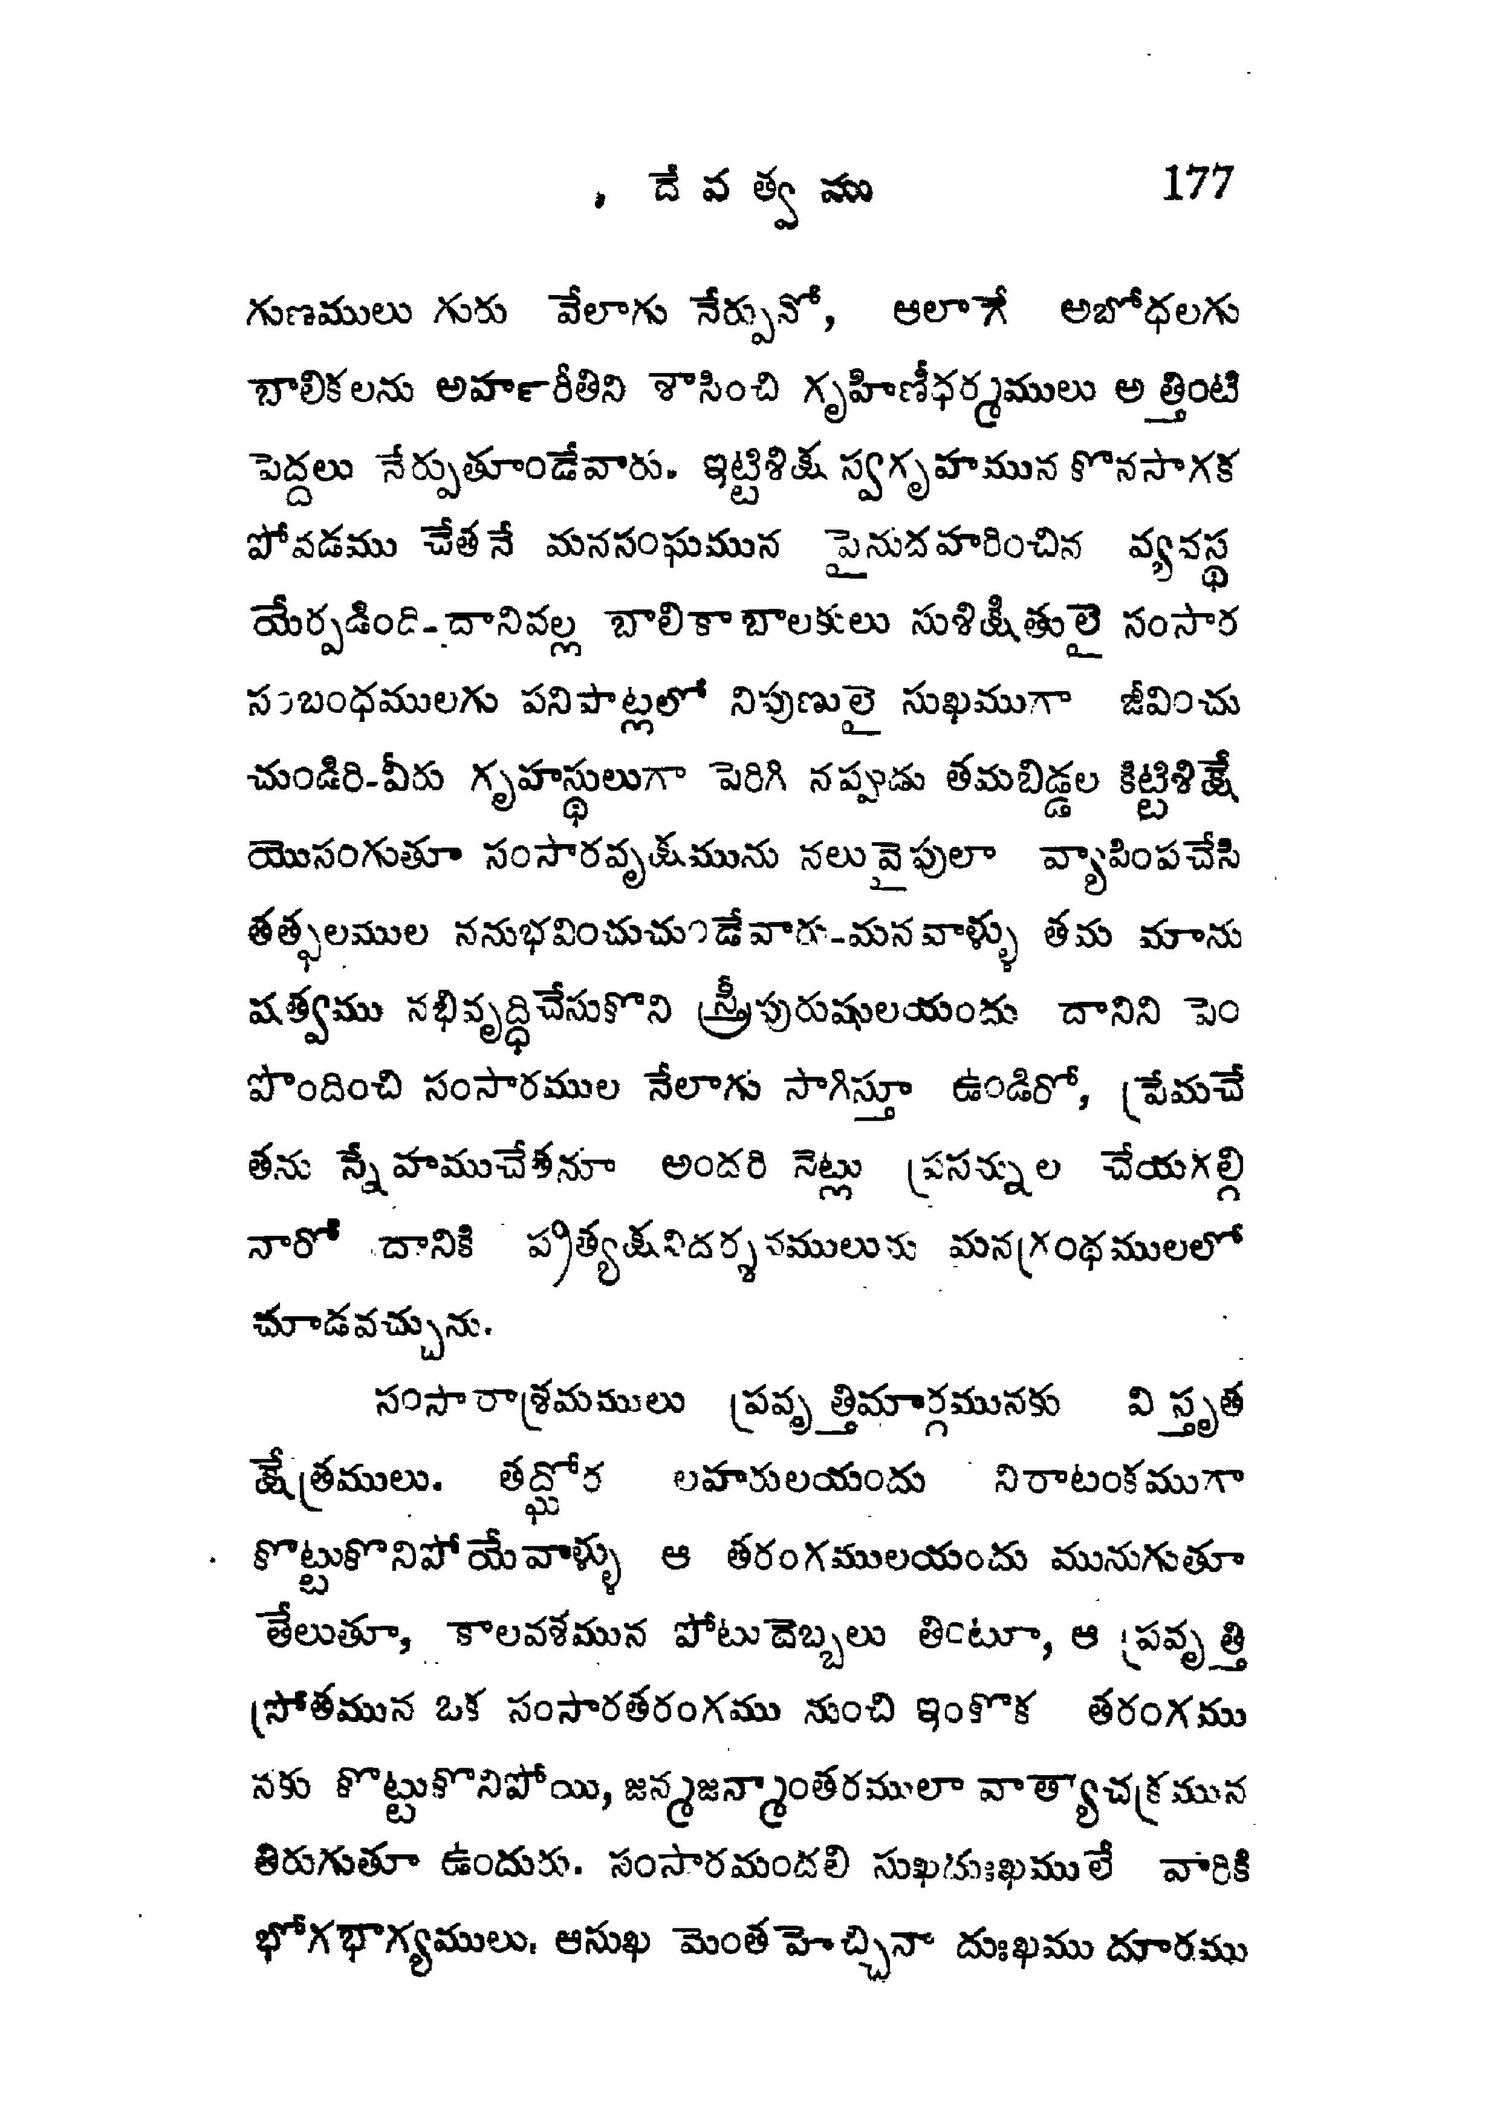గుణములు గురు వేలాగు నేర్పునో, ఆలాగే అబోధలగు బాలికలను అహన్‌రీతిని శాసించి గృహిణీధర్మములు అత్తింటి పెద్దలు నేర్పుతూండేవారు. ఇట్టిశిక్ష స్వగృహమున కొనసాగక పోవడము చేతనే మనసంఘమున పైనుదహరించిన వ్యవస్థ యేర్పడింది - దానివల్ల బాలికాబాలకులు సుశిక్షితులై సంసార సంబంధములగు పనిపాట్లలో నిపుణులై సుఖముగా జీవించు చుండిరి - వీరు గృహస్థులుగా పెరిగి నప్పుడు తమబిడ్డల కిట్టిశిక్షే యొసంగుతూ సంసారవృక్షమును నలువైపులా వ్యాపింపచేసి తత్ఫలముల ననుభవించుచుండేవారు - మనవాళ్ళు తమ మానుషత్వము నభివృద్ధిచేసుకొని స్త్రీపురుషులయందు దానిని పెంపొందించి సంసారముల నేలాగు సాగిస్తూ ఉండిరో, ప్రమచేతను స్నేహముచేతనూ అందరి నెట్లు ప్రసన్నుల చేయగల్గినారో దానికి ప్రత్యక్షనిదర్శనములును మనగ్రంథములలో చూడవచ్చును.

సంసారాశ్రమములు ప్రవృత్తిమార్గమునకు విస్తృత క్షేత్రములు. తద్ఘోర లహరులయందు నిరాటంకముగా కొట్టుకొనిపోయేవాళ్ళు ఆ తరంగములయందు మునుగుతూ తేలుతూ, కాలవశమున పోటుదెబ్బలు తింటూ, ఆ ప్రవృత్తి స్రోతమున ఒక సంసారతరంగము నుంచి ఇంకొక తరంగమునకు కొట్టుకొనిపోయి, జన్మజన్మాంతరములా వాత్యాచక్రమున తిరుగుతూ ఉందురు. సంసారమందలి సుఖదు:ఖములే వారికి భోగభాగ్యములు. ఆసుఖ మెంతహెచ్చినా దు:ఖము దూరము